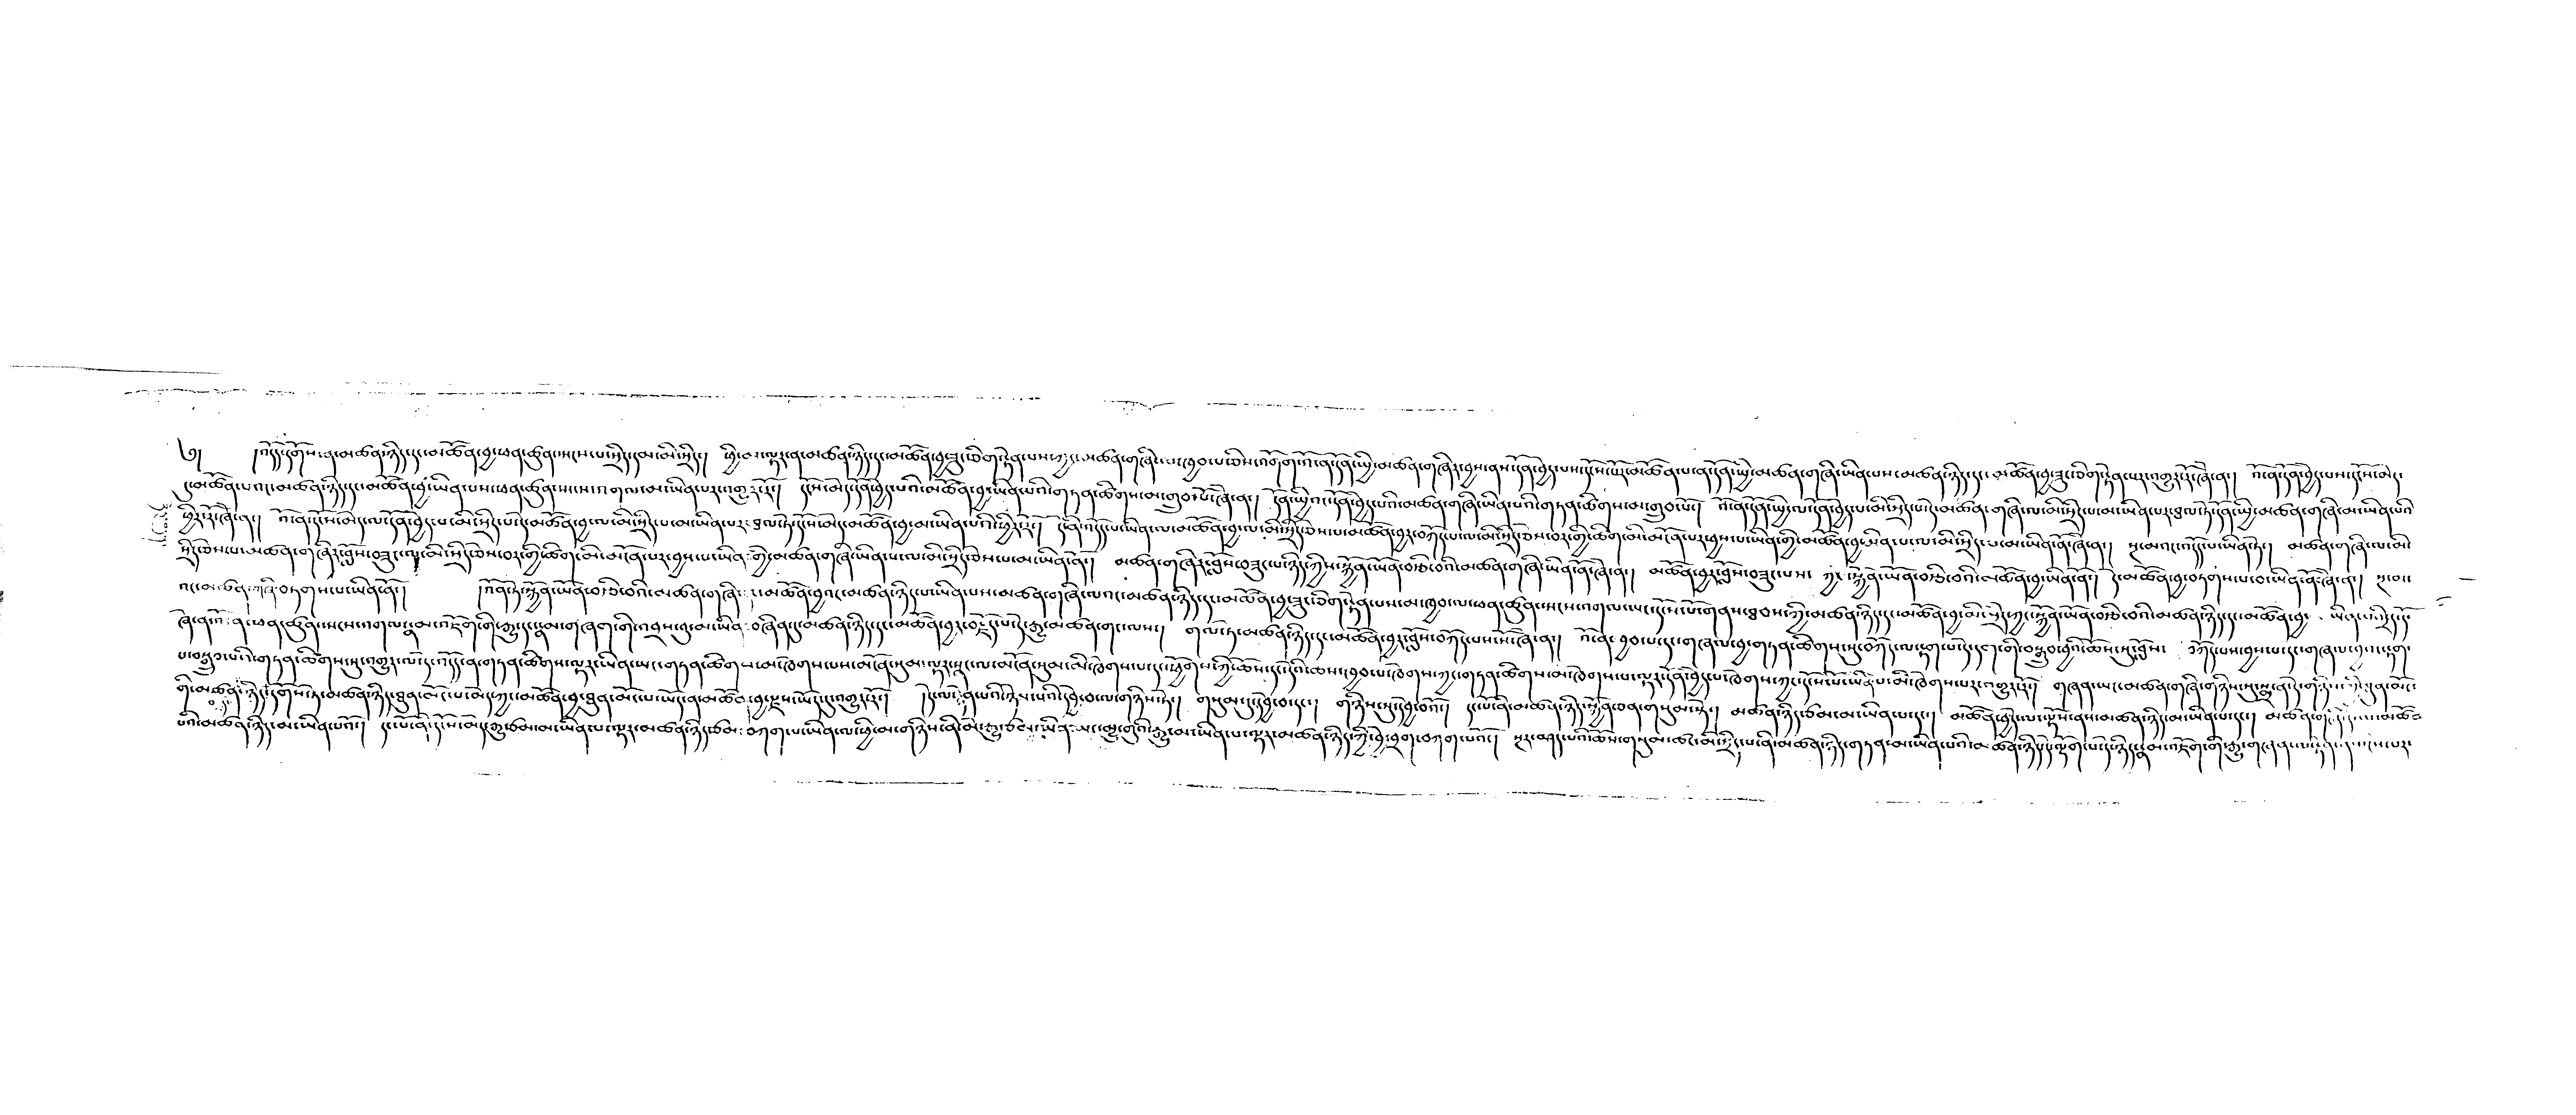༈། །འདོད་དགོས་ན་མཚན་ཉིད་དང་མཚོན་བྱ་ཕན་ཚུན་སྤངས་པ་སྲིད་དམ་མི་སྲིད། ཕྱི་མ་ལྟར་ན་མཚན་ཉིད་དང་མཚོན་བྱ་ཟུང་ཅིག་རྟེན་པས་ཀྱང་མཚན་གཞི་ལ་ཁྱབ་པ་ཅིས་འགོག་འོ་ན་དོན་སྤྱི་མཚན་གཞིར་བྱས་ནས་དོན་བྱེད་པས་དངོས་པོར་མཚོན་པ་ན་དོན་སྤྱི་མཚན་གཞི་ཡིན་པས་མཚན་ཉིད་དང་མཚོན་བྱ་ཟུང་ཅིག་རྟེན་པར་འགྱུར་རོ་ཞེ་ན། འོ་ན་དོན་བྱེད་པས་དངོས་མེད་
དུ་མཚོན་པའང་མཚན་ཉིད་དང་མཚོན་བྱ་ཡིན་པས་ཕན་ཚུན་སྤངས་འགལ་མ་ཡིན་པར་འགྱུར་རོ། དངོས་མེད་དོན་བྱེད་པའི་མཚོན་བྱ་ཡིན་པའི་གཏན་ཚིགས་མ་གྲུབ་པོ་ཞེ་ན། དོན་སྤྱིའང་དོན་བྱེད་པའི་མཚན་གཞི་ཡིན་པའི་གཏན་ཚིགས་མ་གྲུབ་པོ། འོ་ན་དོན་སྤྱི་ལ་དོན་བྱེད་པ་མི་སྲིད་པ་དེ་མཚན་གཞི་ལ་མི་སྲིད་པ་མ་ཡིན་པར་ཐལ་ཏེ་དོན་སྤྱི་མཚན་གཞི་མ་ཡིན་པའི་
ཕྱིར་རོ་ཞེ་ན། འོ་ན་དངོས་མེད་ལ་དོན་བྱེད་པ་མི་སྲིད་པ་དེ་མཚོན་བྱ་ལ་མི་སྲིད་པ་མ་ཡིན་པར་ཐལ་ཏེ་དངོས་མེད་མཚོན་བྱ་མ་ཡིན་པའི་ཕྱིར་རོ། དེ་ནི་འདོད་པ་ཡིན་ལ་མཚོན་བྱ་ལ་མི་སྲིད་ཅེས་པ་མཚོན་བྱར་བཀོད་པ་ལ་མི་སྲིད་ཅེས་བར་གྱི་ཚིག་མི་མངོན་པར་བྱས་པ་ཡིན་གྱི་མཚོན་བྱ་ཡིན་པ་ལ་མི་སྲིད་པ་མ་ཡིན་ནོ་ཞེ་ན། སྔ་མའང་འདོད་པ་ཡིན་ཏེ། མཚན་གཞི་ལ་མི་
སྲིད་ཅེས་པ་མཚན་གཞིར་བློས་བཟུང་ལ་མི་སྲིད་ཅེས་བར་གྱི་ཚིག་མི་མངོན་པར་བྱས་པ་ཡིན་གྱི་མཚན་གཞི་ཡིན་པ་ལ་མི་སྲིད་ཅེས་པ་མ་ཡིན་ནོ། མཚན་གཞིར་བློས་བཟུང་པ་ཉིད་ཀྱིས་སྐྱོན་ཡོན་བརྩི་བའི་མཚན་གཞི་ཡིན་ནོ་ཞེ་ན། མཚོན་བྱར་བློས་བཟུང་པས་ཀྱང་སྐྱོན་ཡོན་བརྩི་བའི་མཚོན་བྱ་ཡིན་ནོ། དེ་མཚོན་བྱ་བཏགས་པ་བ་ཡིན་ནོ་ཞེ་ན། སྔ་མ་
འང་མཚན་གཞི་བཏགས་པ་ཡིན་ནོ། །འོན་ཏེ་སྐྱོན་ཡོན་བརྩི་བའི་མཚན་གཞི་དང་མཚོན་བྱའང་མཚན་ཉིད་པ་ཡིན་པས་མཚན་གཞི་ལའང་མཚན་ཉིད་དང་མཚོན་བྱ་ཟུང་ཅིག་རྟེན་པས་མ་ཁྱབ་ལ་ཕན་ཚུན་སྤངས་འགལ་ཡང་དངོས་པོ་གནས་ཐབས་ཀྱི་མཚན་ཉིད་དང་མཚོན་བྱ་མི་སྲིད་ཀྱང་སྐྱོན་ཡོན་བརྩི་བའི་མཚན་ཉིད་དང་མཚོན་བྱ་ཡིན་པ་སྲིད་དོ་
ཞེ་ན་འོ་ན་ཕན་ཚུན་སྤངས་འགལ་རྣམ་འཇོག་གི་རྒྱུ་དང་རྣམ་གཞག་གི་འབྲས་བུ་མ་ཡིན་བཞིན་དུ་མཚན་ཉིད་དང་མཚོན་བྱར་བརྗོད་པ་དེ་རྒྱུ་མཚན་གང་ལས། གལ་ཏེ་མཚན་ཉིད་དང་མཚོན་བྱར་བློས་བཀོད་པས་སོ་ཞེ་ན། འོ་ན་ཁྱབ??བྱས་པ་དང་གཞལ་བྱ་གཏན་ཚིགས་སུ་བཀོད་ལ་རྟག་པ་དེ་དག་གི་བསྒྲུབ་བྱའི་ཆོས་སུ་བློས་བཀོད་པས་བྱས་པ་དང་གཞལ་བྱའང་རྟག་
པ་བསྒྲུབ་པའི་གཏན་ཚིགས་སུ་འགྱུར་ལ་དེ་འདོད་ན་གཏན་ཚིགས་ལྟར་ཡིན་ཡང་གཏན་ཚིགས་མ་ཁེགས་པས་མངོན་སུམ་ལྟར་སྣང་ལ་མངོན་སུམ་མི་ཁེགས་པ་དང་ཕྱོགས་ཀྱི་ཆོས་དང་དེའི་ཆས་ཁྱབ་པ་ཁེགས་ཀྱང་གཏན་ཚིགས་མ་ཁེགས་པ་ལྟར་དོན་བྱེད་པ་ཁེགས་ཀྱང་དངོས་པོ་ཡིན་པ་མི་ཁེགས་པར་འགྱུར་རོ། གཞན་ཡང་མཚན་གཞི་གཉིས་སུ་སྒྲ་ན་དེ་གཉིས་ཀྱི་ཐུན་མོང་
གི་མཚན་ཉིད་དགོས་ཏེ་མཚན་ཉིད་ཐུན་མོང་པ་མེད་ཀྱང་མཚོན་བྱ་ཐུན་མོང་པ་ཡོད་ན་མཚོན་བྱ་རྫས་ཡོད་དུ་འགྱུར་རོ། །དེ་ལ་རྟེན་པའི་ཉེས་པའི་དབྱེ་བ་ལ་གཉིས་ཏེ། གསུམ་དུ་དབྱེ་བ་དང་། གཉིས་སུ་དབྱེ་བའོ། དང་པོ་ནི་མཚན་ཉིད་སྐྱོན་ཅན་གསུམ་སྟེ། མཚན་ཉིད་ཙམ་མ་ཡིན་པ་དང་། མཚོན་བྱེད་ལ་ལྟོས་ནས་མཚན་ཉིད་མ་ཡིན་པ་དང་། མཚན་གཞི་དེ་ལ་མཚོན་
པའི་མཚན་ཉིད་མ་ཡིན་པའོ། དང་པོ་ནི་དངོས་མེད་རྒྱུ་ཙམ་མ་ཡིན་པ་ལྟར་མཚན་ཉིད་ཙམ་བཀག་པ་ཡིན་ལ་ཕྱི་མ་གཉིས་ནི་མེ་རྒྱུ་ཙམ་ཡིན་ཡང་མྱུ་གུའི་རྒྱུ་མ་ཡིན་པ་ལྟར་མཚན་ཉིད་ཀྱི་བྱེ་བྲག་བཀག་པའོ། སྔར་བཤད་པའི་ཆོས་གསུམ་ཚང་མི་སྲིད་པ་ནི་མཚན་ཉིད་གཏན་མ་ཡིན་པའི་མཚན་ཉིད་དེ་ལྡོག་པ་དེ་ཉིད་རྣམ་འཇོག་གི་རྒྱུ་གཞན་ལ་རྟེན་ནས་ངེས་པར་